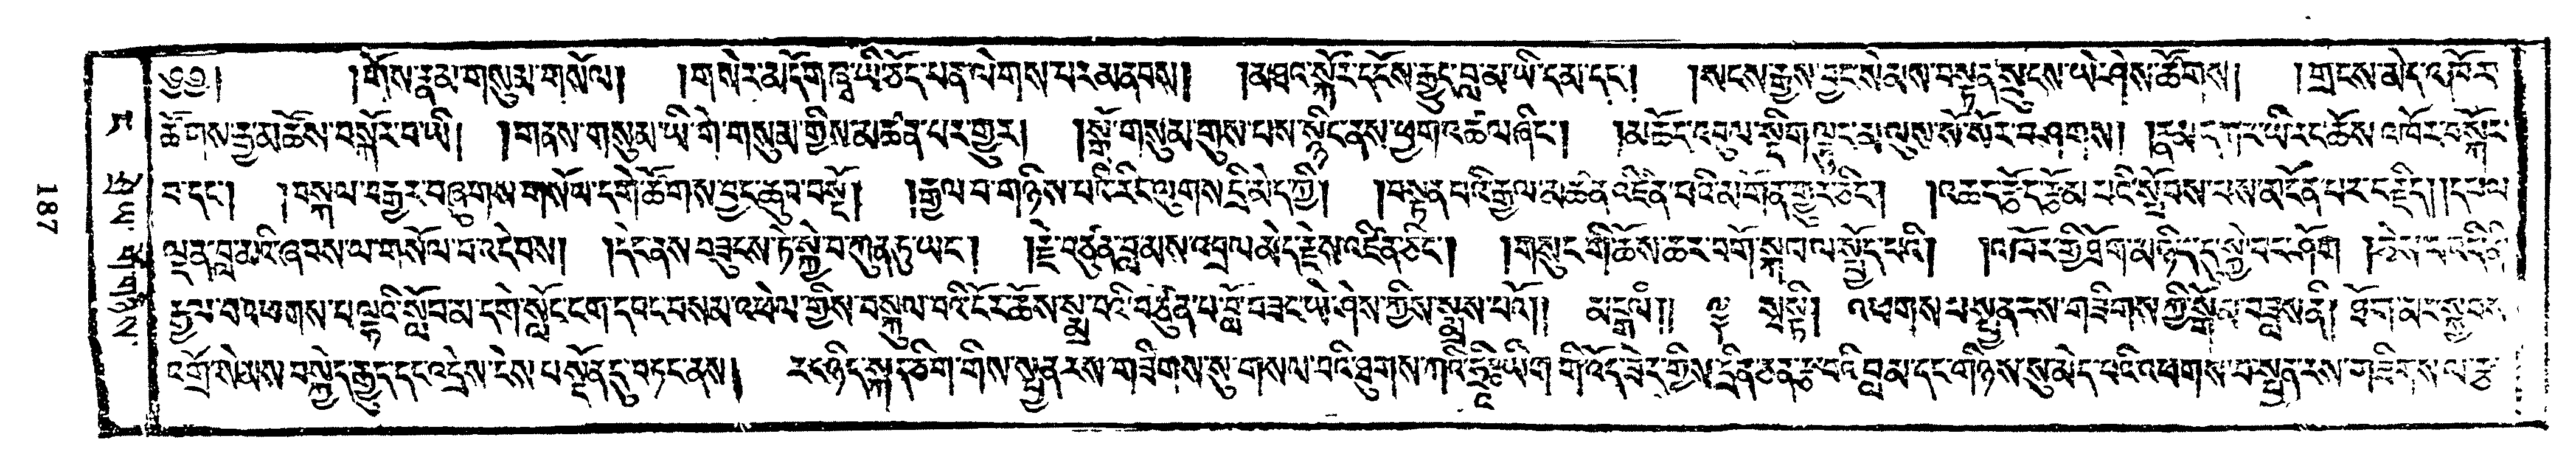༄༅། །གོས་རྣམ་གསུམ་གསོལ། །གསེར་མདོག་ཞྭ་ཡི་ཅོད་པན་ལེགས་པར་མནབས། །མཐའ་སྐོར་དངོས་རྒྱུད་བླ་མ་ཡི་དམ་དང་། །སངས་རྒྱས་བྱང་སེམས་བསྟན་སྲུངས་ཡེ་ཤེས་ཚོགས། །གྲངས་མེད་འཁོར་
ཚོགས་རྒྱ་མཚོས་བསྐོར་བ་ཡི། །གནས་གསུམ་ཡི་གེ་གསུམ་གྱིས་མཚན་པར་གྱུར། །སྒོ་གསུམ་གུས་པས་སྙིང་ནས་ཕྱག་འཚལ་ཞིང་། །མཆོད་འབུལ་སྡིག་ལྟུང་མ་ལུས་སོ་སོར་བཤགས། །རྣམ་དཀར་ཡི་རང་ཆོས་འཁོར་བསྐོར་
བ་དང་། །བསྐལ་བརྒྱར་བཞུགས་གསོལ་དགེ་ཚོགས་བྱང་ཆུབ་བསྔོ། །རྒྱལ་བ་གཉིས་པའི་རིང་ལུགས་དྲི་མེད་ཀྱི། །བསྟན་པའི་རྒྱལ་མཚན་འཛིན་པའི་མགོན་གྱུར་ཅིང་། །འཆད་རྩོད་རྩོམ་པའི་སྤོབས་པས་མངོན་པར་བརྗིད། །དཔལ་
ལྡན་བླ་མའི་ཞབས་ལ་གསོལ་བ་འདེབས། །དེང་ནས་བཟུངས་ཏེ་སྐྱེ་བ་ཀུན་ཏུ་ཡང་། །རྗེ་བཙུན་བླ་མས་འབྲལ་མེད་རྗེ་ས་འཛིན་ཅིང་། །གསུང་གི་ཆོས་ཆར་བགོ་སྐལ་ལ་སྤྱོད་པའི། །འཁོར་གྱི་ཐོག་མཉིད་དུ་སྐྱེ་བར་ཤོག །ཅེས་པ་འདི་ནི་
རྒྱལ་བ་འཕགས་པ་ལྷའི་སློབ་མ་དགེ་སློང་ངག་དབང་བསམ་འཕེལ་གྱིས་བསྐུལ་བའི་ངོར་ཆོས་སྨྲ་བའི་བཙུན་པ་བློ་བཟང་ཡེ་ཤེས་ཀྱིས་སྨྲས་པའོ།། མངྒལཾ།། ༈ སྭསྟི། འཕགས་པ་སྤྱན་རས་གཟིགས་ཀྱི་སྒོམ་བཟླས་ནི། ཐོག་མར་སྐྱབས་
འགྲོ་སེམས་བསྐྱེད་རྒྱུད་དང་འདྲེས་ངེས་པ་སྔོན་དུ་བཏང་ནས། རང་ཉིད་སྐད་ཅིག་གིས་སྤྱན་རས་གཟིགས་སུ་གསལ་བའི་ཐུགས་ཀའི་ཧྲཱིཿ ཡིག་གི་འོད་ཟེར་གྱིས་དྲིན་ཅན་རྩ་བའི་བླ་མ་དང་གཉིས་སུ་མེད་པའི་འཕགས་པ་སྤྱན་རས་གཟིགས་ལ་རྩ་